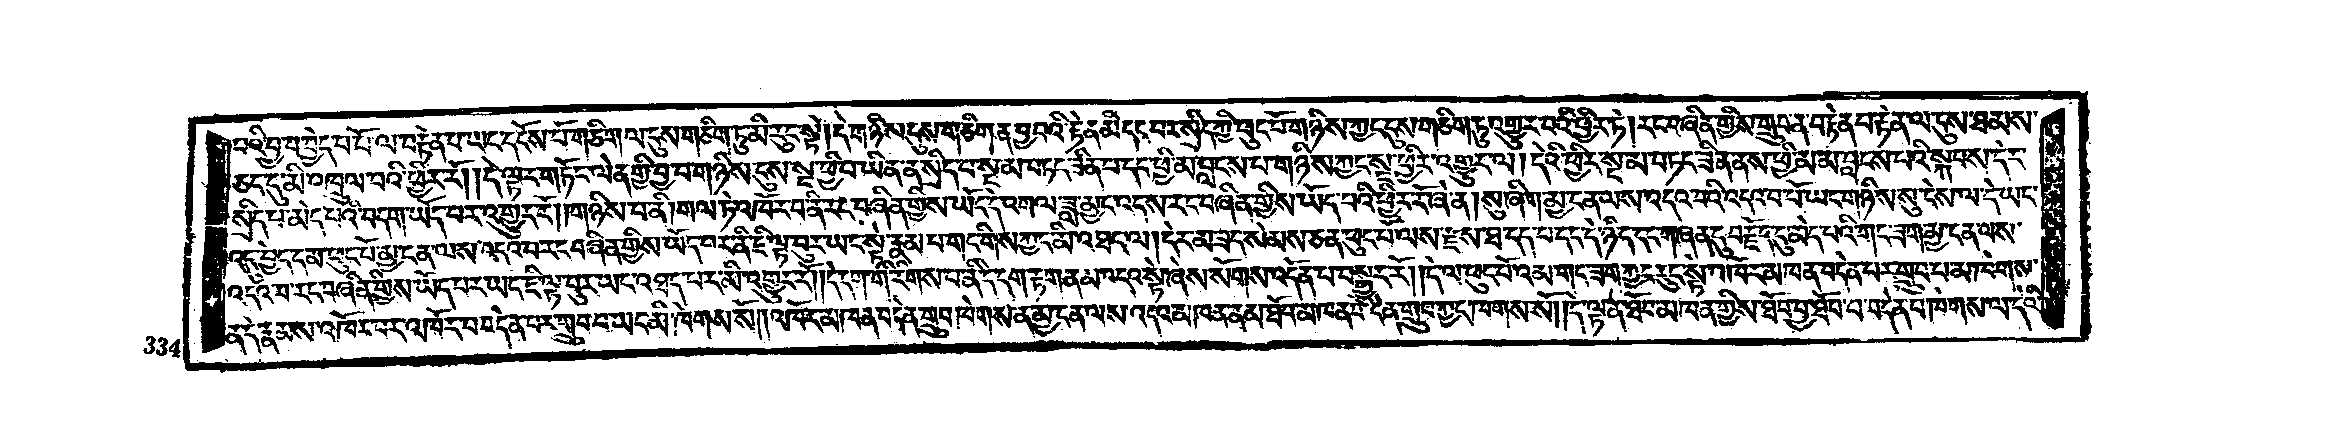པའི་བྱ་བ་བྱེད་པ་པོ་ལ་བརྟེན་པ་ཡང་དངོས་པོ་གཅིག་ལ་དུས་གཅིག་ཏུ་མི་རུང་སྟེ། དེ་གཉིས་དུས་གཅིག་ན་བྱ་བའི་རྟེན་མི་དང་བར་སྲིད་ཀྱི་ཕུང་པོ་གཉིས་ཀྱང་དུས་གཅིག་ཏུ་འགྱུར་བའི་ཕྱིར་ཏེ། རང་བཞིན་གྱིས་གྲུབ་ན་བརྟེན་པ་རྟེན་ལ་དུས་ཐམས་
ཅད་དུ་མི་འཁྲུལ་པའི་ཕྱིར་རོ། །དེ་ལྟར་གཏོང་ལེན་གྱི་བྱ་བ་གཉིས་དུས་སྔ་ཕྱི་བ་ཡིན་ན་སྲོད་པ་སྔ་མ་བཏང་ཟིན་པ་དང་ཕྱི་མ་བླངས་པ་གཉིས་ཀྱང་སྔ་ཕྱིར་འགྱུར་ལ། དེའི་ཕྱིར་ས་མ་བཏང་ཟིན་ནས་ཕྱི་མ་མ་བླངས་པའི་སྐབས་དེར་
སྲིད་པ་མེད་པའི་བདག་ཡོད་པར་འགྱུར་རོ། །གཉིས་པ་ནི། གལ་ཏེ་འཁོར་བ་ནི་རང་བཞིན་གྱིས་ཡོད་དེ་འགལ་ཟླ་མྱང་འདས་རང་བཞིན་གྱིས་ཡོད་པའི་ཕྱིར་རོ་ཞེ་ན། སུ་ཞིག་མྱ་ངན་ལས་འདའ་བའི་འདའ་བ་པོ་ཡང་གཉིས་སུ་ངེས་ལ་ད་ཡང་
འདུ་བྱེད་དམ་ཕུང་པོ་མྱ་ངན་ལས་འདའ་པ་རང་བཞིན་གྱིས་ཡོད་པར་ནི་ཇི་ལྟ་བུར་ཡང་སྟེ་རྣམ་པ་གང་གིས་ཀྱང་མི་འཐད་ལ། དེར་མ་ཟད་སེམས་ཅན་ཕུང་པོ་ལས་རྫས་ཐ་དད་པ་དད་དེ་ཉིད་དང་གཞན་དུ་བརྗོད་དུ་མེད་པའི་གང་ཟག་མྱ་ངན་ལས་
འདའ་བ་རང་བཞིན་གྱིས་ཡོད་པར་ཡང་ཇི་ལྟ་བུར་ཡང་འཐད་པར་མི་འགྱུར་རོ། །དེ་དག་གི་རིགས་པ་ནི་དེ་དག་རྟག་ན་མ་འདའ་སྟེ་ཞེས་སོགས་འདོན་པ་བསྒྱུར་རོ། །དེ་ལ་ཕུང་པོ་འམ་གང་ཟག་ཀྱང་རུང་སྟེ་འཁོར་མཁན་བདེན་པར་གྲུབ་པ་མ་ཁེགས་
ན་དེ་རྣམས་འཁོར་བར་འཁོར་བ་བདེན་པར་གྲུབ་པ་ཡང་མི་ཁེགས་སོ། །འཁོར་མཁན་བདེན་གྲུབ་ཁེགས་ན་མྱ་ངན་ལས་འདའ་མཁན་ནམ་ཐོབ་མཁན་བདེན་གྲུབ་ཀྱང་ཁགས་སོ། །དེ་ལྟ་ན་ཐོབ་མཁན་གྱིས་ཐོབ་བྱ་ཐོབ་བ་བདེན་པ་ཁེགས་ལ་དེའི་